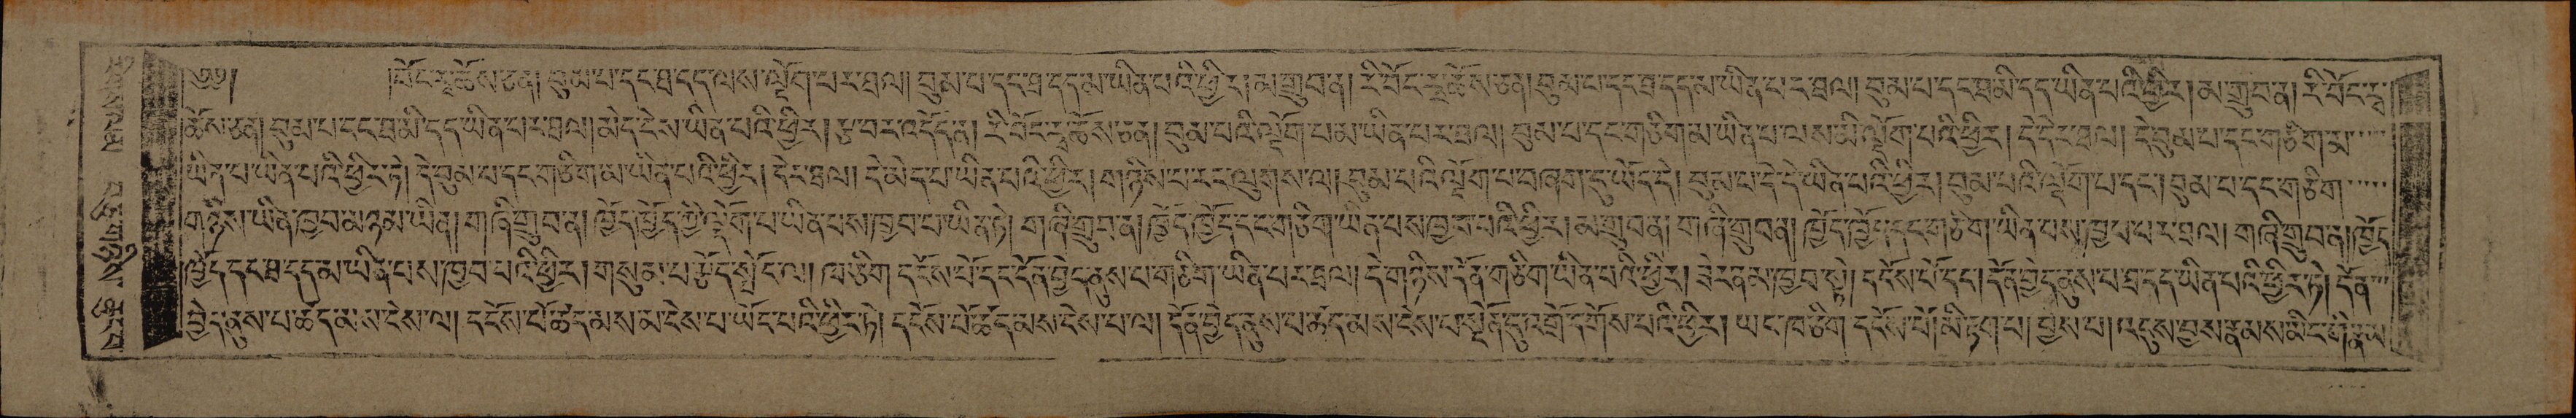༄༅། །བོང་རྭ་ཆོས་ཅན། བུམ་པ་དང་ཐ་དད་ལས་ལྡོག་པར་ཐལ། བུམ་པ་དང་ཐ་དད་མ་ཡིན་པའི་ཕྱིར། མ་གྲུབ་ན། རི་བོང་རྭ་ཆོས་ཅན། བུམ་པ་དང་ཐ་དད་མ་ཡིན་པར་ཐལ། བུམ་པ་དང་ཐ་མི་དད་ཡིན་པའི་ཕྱིར། མ་གྲུབ་ན། རི་བོང་རྭ་
ཆོས་ཅན། བུམ་པ་དང་ཐ་མི་དད་ཡིན་པར་ཐལ། མེད་ངེས་ཡིན་པའི་ཕྱིར། རྩ་བར་འདོད་ན། རི་བོང་རྭ་ཆོས་ཅན། བུམ་པའི་ལྡོག་པ་མ་ཡིན་པར་ཐལ། བུམ་པ་དང་གཅིག་མ་ཡིན་པ་ལས་མི་ལྡོག་པའི་ཕྱིར། དེ་དེར་ཐལ། དེ་བུམ་པ་དང་གཅིག་མ་
ཡིན་པ་ཡིན་པའི་ཕྱིར་ཏེ། དེ་བུམ་པ་དང་གཅིག་མ་ཡིན་པའི་ཕྱིར། དེར་ཐལ། དེ་མེད་པ་ཡིན་པའི་ཕྱིར། གཉིས་པ་རང་ལུགས་ལ། བུམ་པའི་ལྡོག་པ་བཞག་དུ་ཡོད་དེ། བུམ་པ་དེ་དེ་ཡིན་པའི་ཕྱིར། བུམ་པའི་ལྡོག་པ་དང་། བུམ་པ་དང་གཅིག་
གཉིས་ཡིན་ཁྱབ་མཉམ་ཡིན། གཞི་གྲུབ་ན། ཁྱོད་ཁྱོད་ཀྱི་ལྡོག་པ་ཡིན་པས་ཁྱབ་པ་ཡིན་ཏེ། གཞི་གྲུབ་ན། ཁྱོད་ཁྱོད་དང་གཅིག་ཡིན་པས་ཁྱབ་པའི་ཕྱིར། མ་གྲུབ་ན། གཞི་གྲུབ་ན། ཁྱོད་ཁྱོད་དང་གཅིག་ཡིན་པས་ཁྱབ་པར་ཐལ། གཞི་གྲུབ་ན། ཁྱོད་
ཁྱོད་དང་ཐ་དད་མ་ཡིན་པས་ཁྱབ་པའི་ཕྱིར། གསུམ་པ་རྩོད་སྤོང་ལ། ཁ་ཅིག་དངོས་པོ་དང་དོན་བྱེད་ནུས་པ་གཅིག་ཡིན་པར་ཐལ། དེ་གཉིས་དོན་གཅིག་ཡིན་པའི་ཕྱིར། ཟེར་ན་མ་ཁྱབ་སྟེ། དངོས་པོ་དང་དོན་བྱེད་ནུས་པ་ཐ་དད་ཡིན་པའི་ཕྱིར་ཏེ། དོན་
བྱེད་ནུས་པ་ཚད་མས་ངེས་ལ། དངོས་པོ་ཚད་མས་མ་ངེས་པ་ཡོད་པའི་ཕྱིར་ཏེ། དངོས་པོ་ཚད་མས་ངེས་པ་ལ། དོན་བྱེད་ནུས་པ་ཚད་མས་ངེས་པ་སྔོན་དུ་འགྲོ་དགོས་པའི་ཕྱིར། ཡང་ཁ་ཅིག་དངོས་པོ། མི་རྟག་པ། བྱས་པ། འདུས་བྱས་རྣམས་མིང་གི་རྣམ་